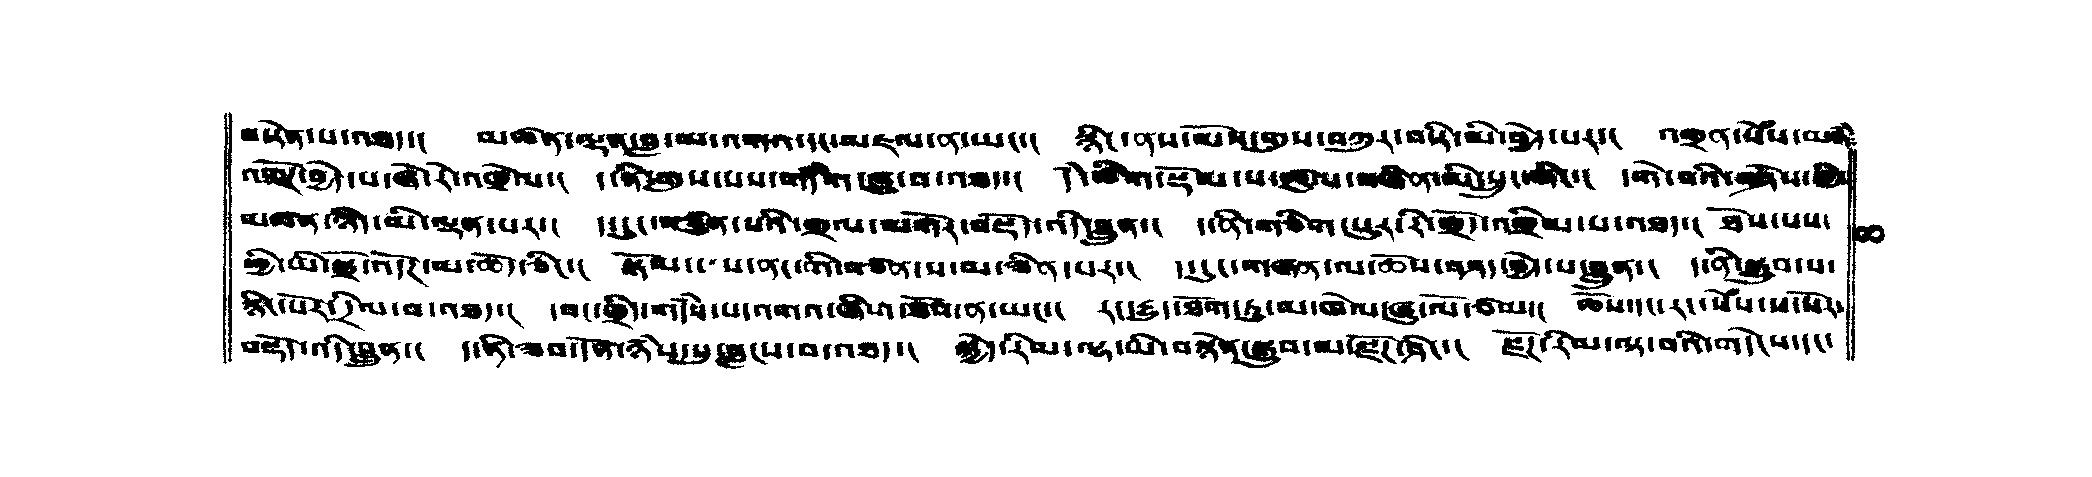བསྟེན་པ་འཐད། །མཚན་ལྡན་བླ་མ་འགའ་དང་མཇལ་ན་ཡང་། །སྙིང་ནས་མོས་གུས་བཀུར་བསྟི་མི་བྱེད་པར། །འགྲན་སེམས་མཉམ་
འགྲོགས་བྱེད་པ་ཞེ་རེ་འཁྲེལ། །ད་ནི་གུས་པས་གདམས་ངག་ཞུ་བ་འཐད། །དམ་ཚིག་སྡོམ་པ་ཚུལ་བཞིན་མི་སྲུང་ཞིང་། །དགེ་བའི་བཤེས་ཀྱི་
མཚན་ཉིད་མི་ལྡན་པར། །ད་དུང་བཙུན་པའི་གྲལ་འགོར་བསྡོད་འདི་བླུན། །ད་ནི་གཅིག་པུར་རི་ཁྲོད་འགྲིམ་པ་འཐད། །ཐོས་པས་
ཕྱི་ཡི་སྒྲོ་འདོགས་མ་ཆོད་ཅིང་། །སྒོམ་པས་ནང་གི་བཙན་ས་མ་ཟིན་པར། །ད་དུང་གཞན་ལ་ཆོས་བཤད་བྱེད་པ་བླུན། །ད་ནི་སྒྲུབ་པ་
སྙིང་པོར་དྲིལ་བ་འཐད། །དབང་ཁྲིད་གདམས་པ་འགའ་ཞིག་ཐོབ་ན་ཡང་། །རང་རྒྱུད་ཐོག་ཏུ་མ་ཁེལ་ཞུ་ལོ་ཙམ། །ཆོས་དང་རང་སེམས་སོ་སོར་
བསྡོད་འདི་བླུན། །ད་ནི་ཟབ་དོན་ཉམས་སུ་བླངས་པ་འཐད། །བསྐྱེད་རིམ་ལྷ་ཡི་བསྙེན་སྒྲུབ་མ་རྫོགས་ཤིང་། །རྫོགས་རིམ་ལྟ་བའི་གདེངས་དང་